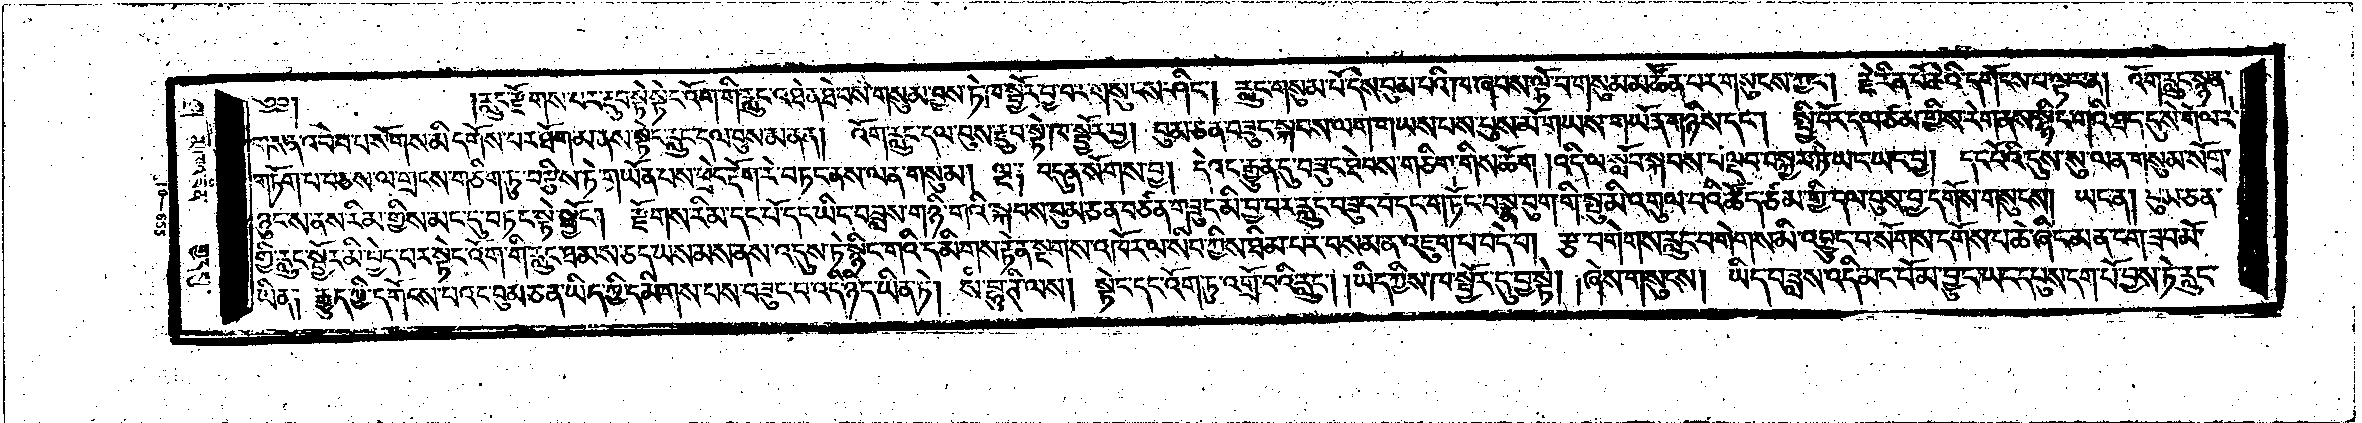༄༅། །རླུང་རྫོགས་པར་རྡུབ་སྟེ་སྟེང་འོག་གི་རླུང་འཐེན་ཐེབས་གསུམ་བྱས་ཏེ་ཁ་སྦྱོར་བྱ་བར་གསུངས་ཤིང་། རླུང་གསུམ་པོ་དེས་བུམ་པའི་ཁ་ཞབས་ལྟོ་བ་གསུམ་མཚོན་པར་གསུངས་ཀྱང་། རྗེ་རིན་པོ་ཆེའི་དགོངས་པ་ལྟར་ན། འོག་རླུང་སྙན་
གསན་འབེབ་པ་སོགས་མི་དགོས་པར་ཐོག་མ་ནས་སྟེང་རླུང་དལ་བུས་མནན། འོག་རླུང་དལ་བུས་རྡུབ་སྟེ་ཁ་སྦྱོར་བྱ། བུམ་ཅན་བཟུང་སྐབས་ལག་གཡས་པས་པུས་མོ་གཡས་གཡོན་གཉིས་དང་། སྤྱི་བོར་དལ་ཙམ་གྱིས་རེག་ནས་སྙིང་གའི་ཐད་དུ་སེ་གོལ་རེ་
གཏོག་པ་བཅས་ལ་གྲངས་གཅིག་ཏུ་བརྩིས་ཏེ་གཡོན་པས་ཕྲེང་རྡོག་རེ་བཏང་ནས་ལན་གསུམ། ལྔ༑ བདུན་སོགས་བྱ། དེའང་རྒྱུན་དུ་བཟུང་ཐེབས་གཅིག་གིས་ཆོག །འདི་ལ་སློབ་སྐབས་བལྡབ་བསྐྱར་ཏེ་ཡང་ཡང་བྱ། དང་པོའི་དུས་སུ་ལན་གསུམ་སོགས་
ཉུང་ས་ནས་རིམ་གྱིས་མང་དུ་བཏང་སྟེ་སྦྱོང་། རྫོགས་རིམ་དང་པོ་དང་ཡིད་བཟླས་གཉི་གའི་སྐབས་བུམ་ཅན་བཙན་གཟུང་མི་བྱ་བར་རླུང་བཟུང་བ་དང་གཏོང་བ་སྣ་བུག་གི་སྤུ་མི་འགུལ་བའི་ཚོད་ཙམ་གྱི་དལ་བུས་བྱ་དགོས་གསུངས། ཡང་ན། བུམ་ཅན་
གྱི་རླུང་སྦྱོར་མི་བྱེད་པར་སྟེང་འོག་གི་རླུང་ཐམས་ཅད་ཡས་མས་ནས་འདུས་ཏེ་སྙིང་གའི་དམིགས་རྟེན་སྔགས་འཁོར་ལ་སིབ་ཀྱིས་ཐིམ་པར་བསམ་ན་འཇུག་པ་བདེ་བ། རྩ་བགེགས་རླུང་བགེགས་མི་འབྱུང་བ་སོགས་དགོས་པ་ཆེ་ཞིང་མན་ངག་ཟབ་མོ་
ཡིན༑ རྒྱུད་ཀྱི་དགོངས་པའང་བུམ་ཅན་ཡིད་ཀྱི་དམིགས་པས་བཟུང་བ་འདི་ཉིད་ཡིན་ཏེ། སཾ་བྷུ་ཊི་ལས། སྟེང་དང་འོག་ཏུ་འགྲོ་བའི་རླུང་། །ཡིད་ཀྱིས་ཁ་སྦྱོར་དུ་བྱ་སྟེ། །ཞེས་གསུངས། ཡིད་བཟླས་འདི་མང་པོ་མ་བྱུང་ཡང་སྤུས་དག་པོ་བྱས་ཏེ་རླུང་